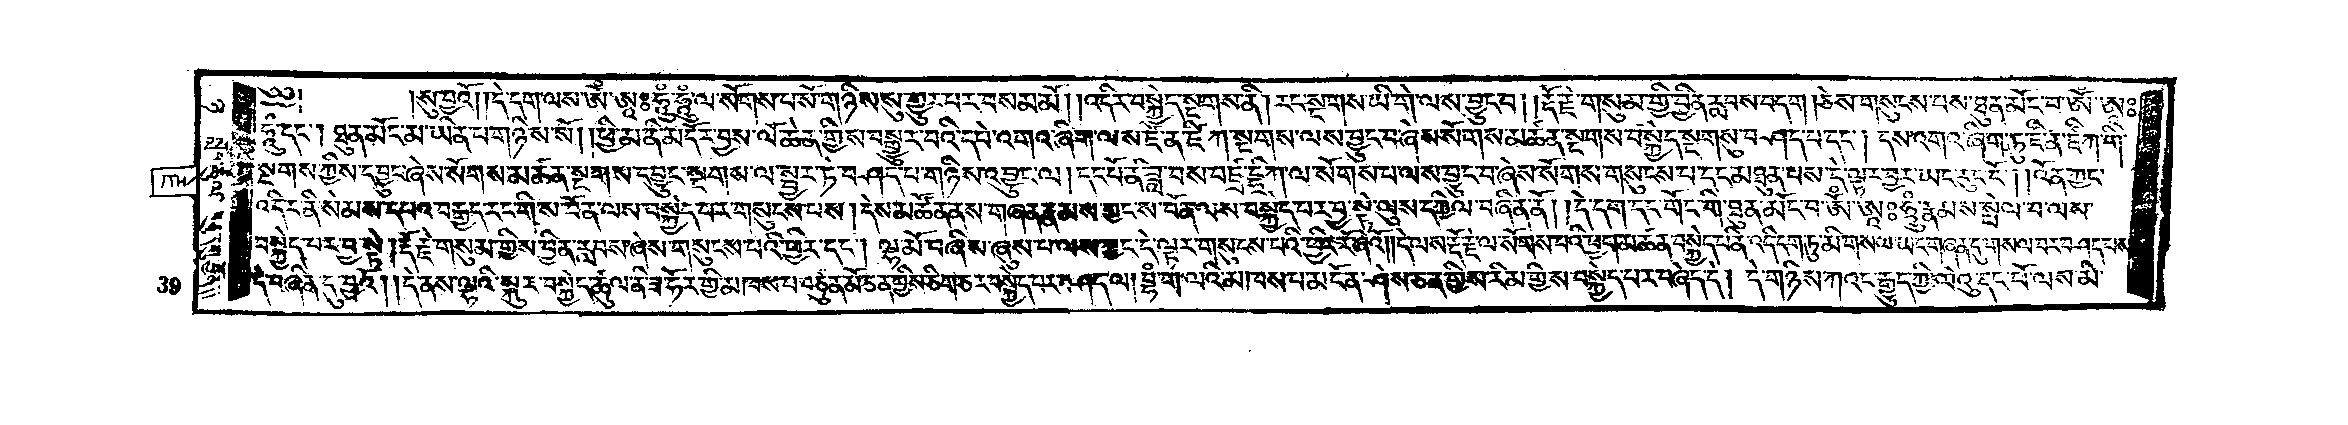༄༅། །སུ་བྱའོ། །དེ་དག་ལས་ཨོཾ་ཨཱཿ ཧཱུཾ་ཧཱུཾ་ལ་སོགས་པ་སོ་གཉིས་སུ་གྱུར་བར་བསམ་མོ། །འདིར་བསྐྱེད་སྔགས་ནི། རང་སྔགས་ཡི་གེ་ལས་བྱུང་བ། །རྡོ་རྗེ་གསུམ་གྱི་བྱིན་རླབས་བདག །ཅེས་གསུངས་པས་ཐུན་མོང་བ་ཨོཾ་ཨཱཿ
ཧཱུཾ་དང་། ཐུན་མོང་མ་ཡིན་པ་གཉིས་སོ། །ཕྱི་མ་ནི་མདོར་བྱས་ལོ་ཆེན་གྱིས་བསྒྱུར་བའི་དཔེ་འགའ་ཞིག་ལས་ཛི་ན་ཛི་ཀ་སྔགས་ལས་བྱུང་བ་ཞེས་སོགས་མཚན་སྔགས་བསྐྱེད་སྔགས་སུ་བཤད་པ་དང་། དེས་འགའ་ཞིག་ཏུ་ཛི་ན་ཛི་ཀ་གི་
སྔགས་ཀྱིས་དབྱུང་ཞེས་སོགས་མཚན་སྔགས་དབྱུང་སྔགས་ལ་སྦྱར་ཏེ་བཤད་པ་གཉིས་འབྱུང་ལ། དང་པོ་ནི་ཟླ་བས་བཛྲ་དྷྲི་ཀ་ལ་སོགས་པ་ལས་བྱུང་བ་ཞེས་སོགས་གསུངས་པ་དང་མཐུན་པས་དེ་ལྟར་བྱར་ཡང་རུང་ངོ། །འོན་ཀྱང་
འདིར་ནི་སེམས་དཔའ་བརྒྱད་རང་གི་ས་བོན་ལས་བསྐྱེད་པར་གསུངས་པས། དེས་མཚོན་ནས་གཞན་རྣམས་ཀྱང་ས་བོན་ལས་བསྐྱེད་པར་བྱ་སྟེ་ལུས་དཀྱིལ་བཞིན་ནོ། །དེ་དག་དང་གོང་གི་ཐུན་མོང་བ་ཨོཾ་ཨཱཿ ཧཱུཾ་རྣམས་སྤེལ་བ་ལས་
བསྐྱེད་པར་བྱ་སྟེ། རྡོ་རྗེ་གསུམ་གྱིས་བྱིན་རླབས་ཞེས་གསུངས་པའི་ཕྱིར་དང་། ལྷ་མོ་བཞིས་ཞུས་པ་ལས་ཀྱང་དེ་ལྟར་གསུངས་པའི་ཕྱིར་རོ་ཞེའོ། །དེ་ལས་རྡོ་རྗེ་ལ་སོགས་པའི་ཕྱག་མཚན་བསྐྱེད་པ་ནི་འདི་དག་ཏུ་མི་གསལ་ཡང་གཞན་དུ་གསལ་བར་བཤད་པས་
དེ་བཞིན་དུ་བྱའོ། །དེ་ནས་ལྷའི་སྐུར་བསྐྱེད་ཚུལ་ནི་ཟ་ཧོར་གྱི་མཁས་པ་བཙུན་མོ་ཅན་གྱིས་ཅིག་ཅར་བསྐྱེད་པར་བཤད་ལ། བྷཾ་ག་ལའི་མཁས་པ་མངོན་ཤེས་ཅན་གྱིས་རིམ་གྱིས་བསྐྱེད་པར་བཞེད་དེ། དེ་གཉིས་ཀའང་རྒྱུད་ཀྱི་ལེའུ་དང་པོ་ལས་མི་